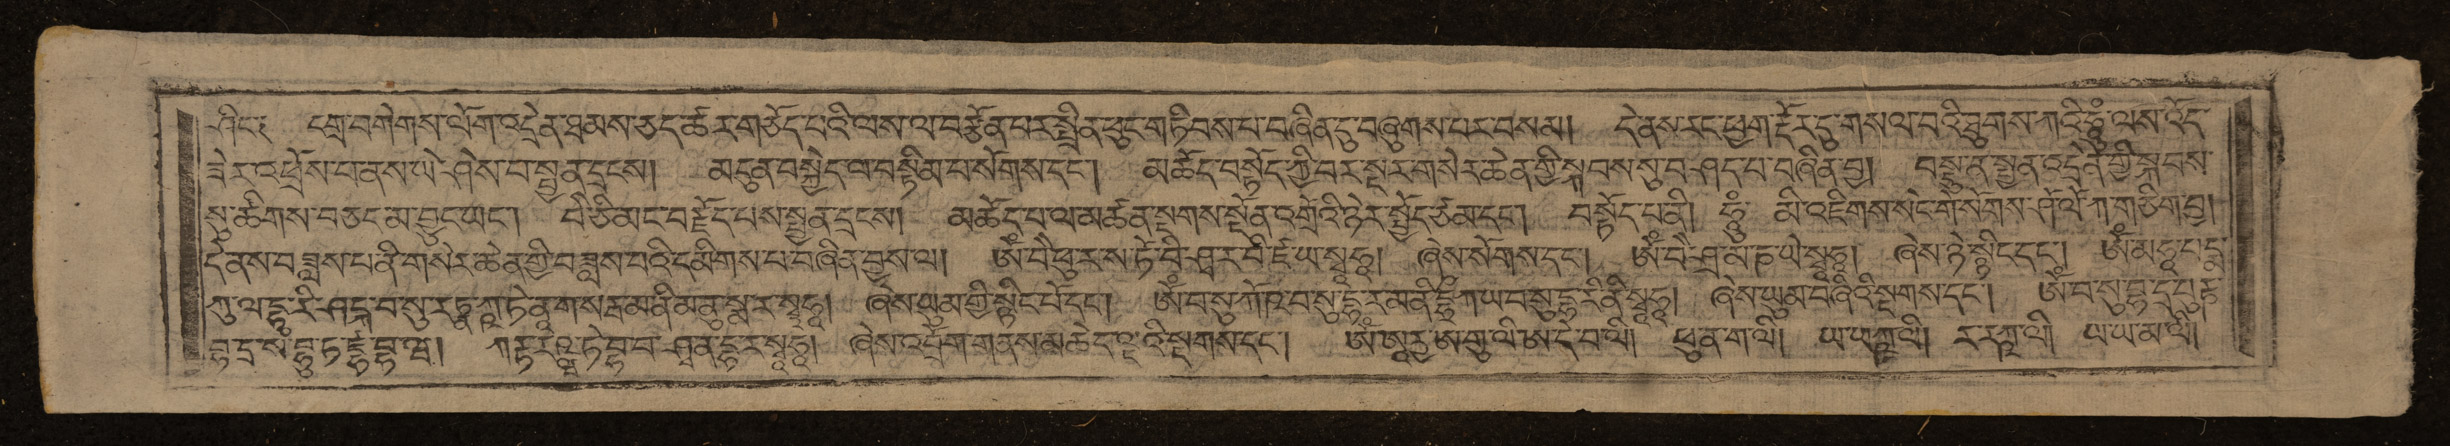ཤིང༑ དགྲ་བགེགས་ལོག་འདྲེན་ཐམས་ཅད་ཚར་གཅོད་པའི་ལས་ལ་བརྩོན་པར་སྤྲིན་ཕུང་གཏིབས་པ་བཞིན་དུ་བཞུགས་པར་བསམ། དེ་ནས་རང་ཕྱག་རྡོར་དུ་གསལ་བའི་ཐུགས་ཀའི་ཧཱུཾ་ལས་འོད་
ཟེར་འཕྲོས་པ་ནས་ཡེ་ཤེས་པ་སྤྱན་དྲངས། མདུན་བསྐྱེད་ལ་བསྟིམ་པ་སོགས་དང་། མཆོད་བསྟོད་ཀྱི་བར་སྔར་གསེར་ཆེན་གྱི་སྐབས་སུ་བཤད་པ་བཞིན་བྱ། བསྡུ་ན་སྤྱན་འདྲེན་གྱི་སྐབས་
སུ་ཚིགས་བཅད་མ་བྱུང་ཡང་། བཻ་ཅི་མང་བརྗོད་པས་སྤྱན་དྲངས། མཆོད་པ་ལ་མཚན་སྔགས་སྔོན་འགྲོའི་ཉེར་སྤྱོད་ཙམ་དང་། བསྟོད་པ་ནི། ཧཱུཾ་མི་འཇིགས་སེང་གེ་སོགས་ཤོ་ལོ་ཀ་གཅིག་བྱ།
དེ་ནས་བཟླས་པ་ནི་གསེར་ཆེན་གྱི་བཟླས་པའི་དམིགས་པ་བཞིན་བྱས་ལ། ཨོཾ་བཻ་ཕུ་ར་ས་ཏོ་བི་ཤྭ་ར་བི་ཛ་ཡ་སྭཱཧཱ། ཞེས་སོགས་དང་། ཨོཾ་བཻ་ཤྲ་མ་ཎ་ཡེ་སྭཱཧཱ། ཞེས་ཉེ་སྙིང་དང་། ཨོཾ་མཧཱ་པདམ་
ཀུ་ལ་དྷ་རི་ཤདཀ་བ་སུ་རཏྣ་ཀྵ་ཏེ་ནཱ་ག་སརྦ་མ་ནི་མ་ནུ་སྨ་ར་སྭཱཧཱ། ཞེས་ཡུམ་གྱི་སྙིང་པོ་དང་། ཨོཾ་བ་སུ་ཀོ་ཥ་བ་སུ་དྷ་ར་མ་ནི་དྷྲྀ་ཀ་ཡ་བ་སུ་དྷ་རི་ནི་སྭཱཧཱ། ཞེས་ཡུམ་བཞིའི་སྔགས་དང་། ཨོཾ་བ་སུ་བྷ་དྲ་པུརྞ་
བྷ་དྲ་སི་བྷུ་ཏ་ཛྷ་བྷ་ཝ། ཀརྟ་རཥྭ་ཏེ་བྷ་བ་ཤྭ་ན་དྷ་ར་སྭཱཧཱ། ཞེས་འབྲོག་གནས་མཆེད་ལྔའི་སྔགས་དང་། ཨོཾ་ཨཱརྱ་ཨ་གུ་ལི་ཨ་དེ་བ་ལི། ཕུ་ན་ག་ལི། ཡ་ཡཀྵ་ལི། ར་རཀྵ་ལི། ཡ་ཡ་མ་ལི།